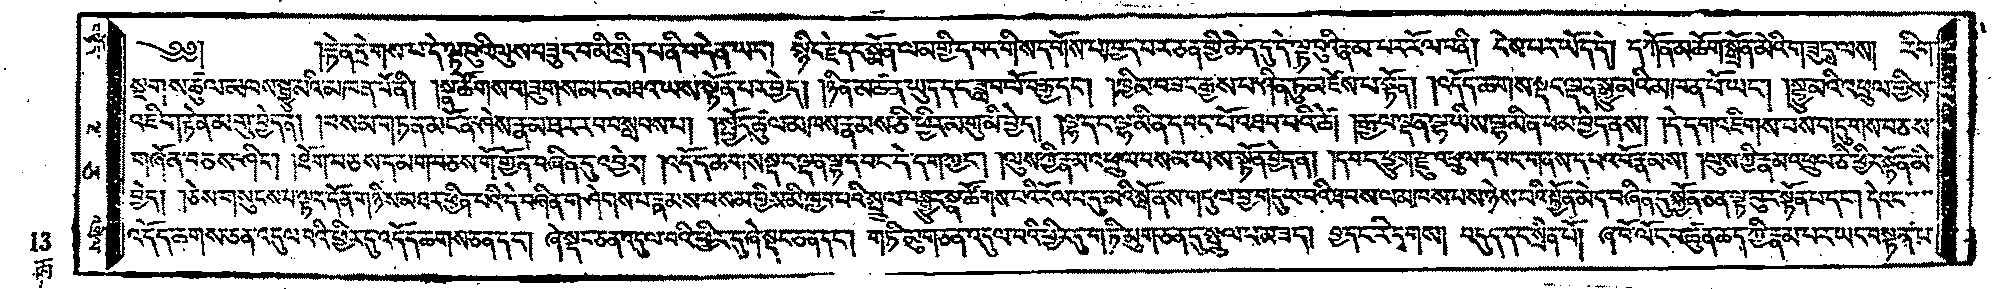༄༅། །རྟེན་དྲེགས་པ་དེ་ལྟ་བུའི་ལུས་བཟུང་བ་མི་སྲིད་པ་ནི་བདེན་ཡང་། སྙིང་རྗེ་དང་སྨོན་ལམ་གྱི་དབང་གིས་དགོས་པ་ཁྱད་པར་ཅན་གྱི་ཆེད་དུ་དེ་ལྟ་བུའི་རྣམ་པར་རོལ་པ་ནི། ངེས་པར་ཡོད་དེ། དཀོན་མཆོག་སྒྲོན་མེའི་གཟུངས་ལས། རིག་
སྔགས་ཚུལ་མཁས་སྒྱུ་མའི་མཁན་པོ་ནི། །སྣ་ཚོགས་གཟུགས་མང་མཐའ་ཡས་སྟོན་པར་བྱེད། །ཉིན་མཚན་ཡུད་དང་ཟླ་བ་ལོ་བརྒྱ་དང་། །ཁྱིམ་བཟང་རྒྱས་པ་ཤིན་ཏུ་མཛེས་པ་སྟོན། །འདོད་ཆགས་སྡང་ལྡན་སྒྱུ་མའི་མཁན་པོ་ཡང་། །སྒྱུ་མའི་འཕྲུལ་གྱིས་
འཇིག་རྟེན་མགུ་བྱེད་ན། །བསམ་གཏན་མངོན་ཤེས་རྣམ་ཐར་རབ་བསླབས་པ། །སྤྱོད་ཚུལ་མཁས་རྣམས་ཅི་ཕྱིར་མགུ་མི་བྱེད། །ལྷ་དང་ལྷ་མིན་དབང་པོ་འཐབ་པའི་ཚེ། །རྒྱལ་ལྡན་ལྷ་ཡིས་ལྷ་མིན་ཕམ་བྱེད་ནས། །དེ་དག་འཇིགས་པས་གདུགས་བཅས་
གཞོན་བཅས་ཤིང་། །ཐོག་བཅས་དམག་བཅས་གོ་གྱོན་བཞིན་དུ་འབྱེར། །འདོད་ཆགས་སྡང་ལྡན་ལྷ་དབང་དེ་དག་ཀྱང་། །ལུས་ཀྱི་རྣམ་འཕྲུལ་བསམ་ཡས་སྟོན་བྱེད་ན། །དབང་ཕྱུག་རྫུ་འཕྲུལ་དབང་གནས་དཔའ་བོ་རྣམས། །ལུས་ཀྱི་རྣམ་འཕྲུལ་ཅི་ཕྱིར་སྟོན་མི་
བྱེད། །ཅེས་གསུངས་པ་ལྟར་དོན་གཉིས་མཐར་ཕྱིན་པའི་དེ་བཞིན་གཤེགས་པ་རྣམས་བསམ་གྱིས་མི་ཁྱབ་པའི་སྤྲུལ་བསྒྱུར་སྣ་ཚོགས་པའི་རོལ་པ་དུ་མའི་སྒོ་ནས་གདུལ་བྱ་གདུལ་བའི་ཐབས་ལ་མཁས་པས་ཉེས་པའི་སྐྱོན་མེད་བཞིན་དུ་སྐྱོན་ཅན་ལྟ་བུར་སྟོན་པ་དང་། དེའང་
འདོད་ཆགས་ཅན་འདུལ་བའི་ཕྱིར་དུ་འདོད་ཆགས་ཅན་དང་། ཞེ་སྡང་ཅན་འདུལ་བའི་ཕྱིར་དུ་ཞེ་སྡང་ཅན་དང་། གཏི་མུག་ཅན་འདུལ་བའི་ཕྱིར་དུ་གཏི་མུག་ཅན་དུ་སྤྲུལ་པ་མ་ཟད། བྱ་དང་རི་དྭགས། བདུད་དང་སྲིན་པོ། ཞ་བོ་ལོང་བ་ཚུན་ཆད་ཀྱི་རྣམ་པར་ཡང་བསྟན་པ་